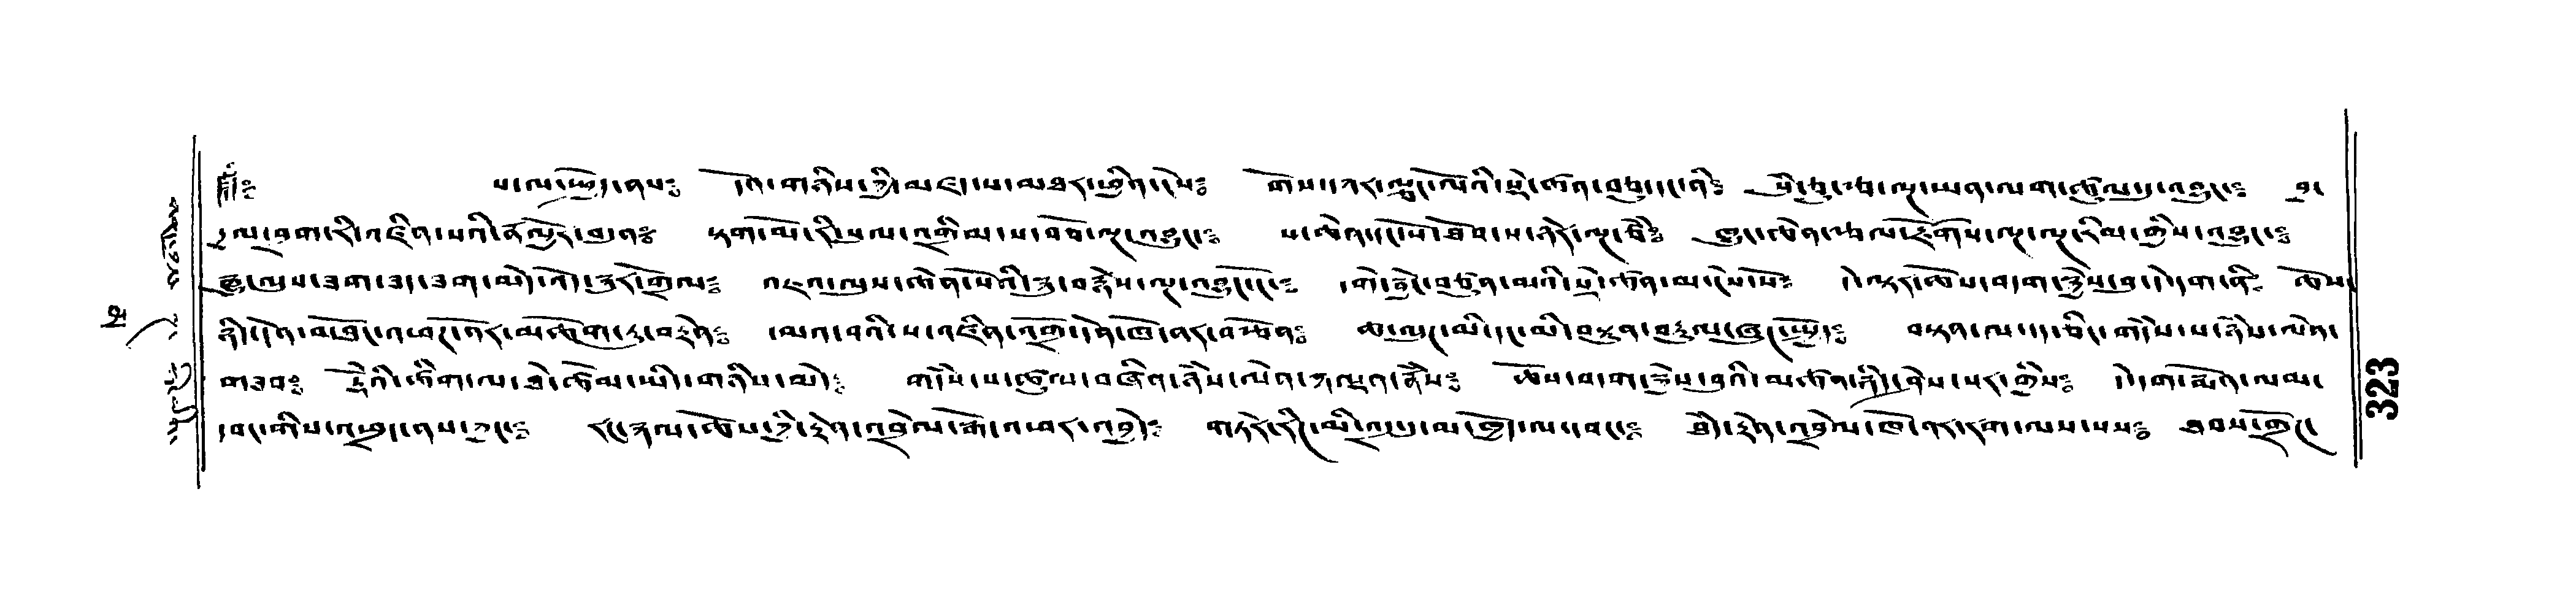པ་ལ་སྤྱོད་ནས༔ དོན་གཉིས་ཀྱི་མཛད་པ་མཐར་ཕྱིན་ངེས༔ གོས་དཀར་ལྕང་ལོའི་སྡེ་ཚན་བཅུ་དང་ནི༔ སུམ་ཅུ་རྩ་ལྔ་ཡན་ལག་ཚུལ་དུ་འབྱུང༔ བྱ་
རྒྱལ་བྲག་རི་འཛིན་པའི་རྣལ་འབྱོར་བདུན༔ སྟག་མོ་རི་སུལ་འགྲིམ་པ་བཅོ་ལྔ་འབྱུང༔ ས་ཆེན་དང་པོ་ཐོབ་པ་ཉེར་ལྔ་ཙམ༔ ཁྱུང་ཆེན་རྩལ་རྫོགས་ལྔ་ལྔ་རིམ་གྱིས་འབྱུང༔ 
སྒྱུ་ལུས་ཟག་ཟད་ཟག་མེད་འོད་སྐུར་གྲོལ༔ འཇའ་ལུས་ཆེན་པོའི་སྐུ་བརྙེས་ལྔ་འབྱུང་ངོ༔དགེ་སྦྱོང་བཙུན་མའི་སྡེ་ཚན་མ་ངེས་སོ༔ དེ་ལྟར་ཆོས་བདག་སྐྱེས་བུ་དེ་དག་ནི༔ ཆོས་
ཉིད་དོན་མཐོང་འཕགས་ནོར་མཆོག་ཏུ་བརྟེན༔ དམའ་བའི་ས་འཛིན་འགྲོ་དོན་ཁོ་ནར་བརྩོན༔ ཆ་ལུགས་མི་དང་མི་བསྟུན་བརྟུལ་ཞུགས་སྤྱོད༔ བསྟན་ལ་དད་ཅིང་གདམས་པ་ཉམས་ལེན་
གཟབ༔ རྡོ་རྗེའི་ཚིག་ལ་ཐེ་ཚོམ་ཡིད་གཉིས་མེད༔ གདམས་པ་ཚུལ་བཞིན་ཉམས་ལེན་སྐལ་ལྡན་རྣམས༔ ཆོས་བདག་སྐྱེས་བུའི་མཚན་ཉིད་ཤེས་པར་གྱིས༔ དེ་དག་སྨོན་ལམ་
དབང་གིས་འཕྲད་ནས་ཀྱང༔ རང་སྐལ་ཆོས་ཀྱི་རྟེན་འབྲེལ་སྒོ་འཕར་འབྱེད༔ གཏེར་རིགས་མི་འདྲ་དུ་མ་ཁྱོད་ལ་དབང༔ ཐམས་ཅད་རྟེན་འབྲེལ་ཁོ་ནར་རག་ལས་པས༔ ཐབས་གྲོགས་